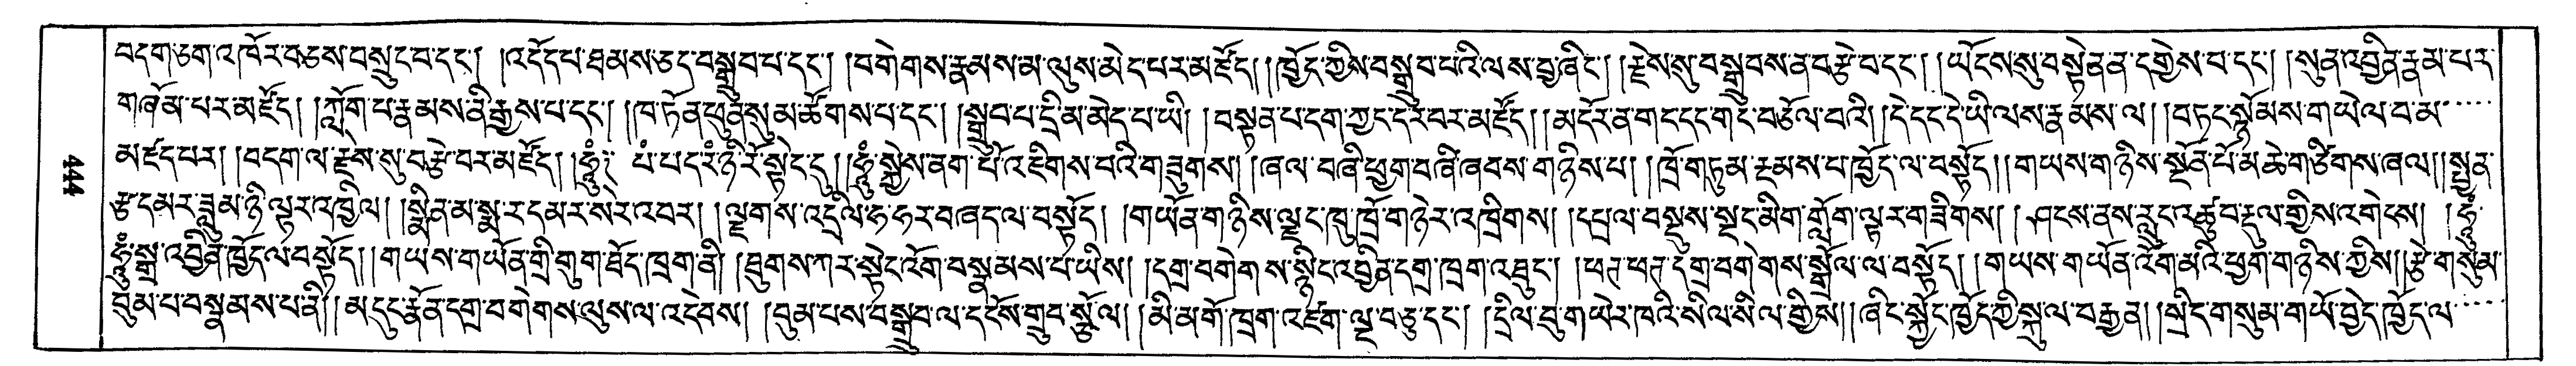བདག་ཅག་འཁོར་བཅས་བསྲུང་བ་དང་། །འདོད་པ་ཐམས་ཅད་བསྒྲུབ་པ་དང་། །བགེགས་རྣམས་མ་ལུས་མེད་བར་མཛོད། །ཁྱོད་ཀྱིས་བསྒྲུབ་པའི་ལས་བྱ་ཞིང་། །རྗེས་སུ་བསྒྲུབས་ན་བརྩེ་བ་དང་། །ཡོངས་སུ་བསྟེན་ན་དགྱེས་པ་དང་། །སུན་འབྱིན་རྣམ་པར་
གཞོམ་པར་མཛོད། །ཀློག་པ་རྣམས་ནི་རྒྱས་པ་དང་། །ཁ་ཏོན་ཕུན་སུམ་ཚོགས་པ་དང་། །སྒྲུབ་པ་དྲི་མ་མེད་པ་ཡི། །བསྟན་པ་དག་ཀྱང་དར་བར་མཛོད། །མདོར་ན་གང་དང་གང་བཅོལ་བའི། །དེ་དང་དེ་ཡི་ལས་རྣམས་ལ། །བཏང་སྙོམས་གཡེལ་བ་མ་
མཛད་པར། །བདག་ལ་རྗེས་སུ་བརྩེ་བར་མཛོད། །ཧཱུཾ༑ པཾ་པད་རཾ་ཉི་རོ་སྟེང་དུ། །ཧཱུཾ་སྐྱེས་ནག་པོ་འཇིགས་པའི་གཟུགས། །ཞལ་བཞི་ཕྱག་བཞི་ཞབས་གཉིས་པ། །ཁྲོ་གཏུམ་རྡམས་པ་ཁྱོད་ལ་བསྟོད། །གཡས་གཉིས་སྔོན་པོ་མཆེ་གཙིགས་ཞལ། །སྤྱན་
རྩ་དམར་ཟླུམ་ཉི་ལྟར་འཁྱིལ། །སྨིན་མ་སྨ་ར་དམར་སེར་འབར། །ལྗགས་འདྲིལ་ཧ་ཧར་བཞད་ལ་བསྟོད། །གཡོན་གཉིས་ལྗང་ཁུ་ཁྲོ་གཉེར་འཁྲིགས། །དཔྲལ་བསྡུས་སྡང་མིག་གློག་ལྟར་གཟིགས། །ཤངས་ནས་རླུང་འཚུབ་རྡུལ་གྱིས་འགེངས། །ཧཱུཾ་
ཧཱུཾ་སྒྲ་འབྱིན་ཁྱོད་ལ་བསྟོད། །གཡས་གཡོན་གྲི་གུག་ཐོད་ཁྲག་ནི། །ཐུགས་ཀར་སྟེང་འོག་བསྣམས་པ་ཡིས། །དགྲ་བགེགས་སྙིང་འབྱིན་དགྲ་ཁྲག་འཐུང་། །ཕཊ་ཕཊ་དགྲ་བགེགས་སྒྲོལ་ལ་བསྟོད། །གཡས་གཡོན་འོག་མའི་ཕྱག་གཉིས་ཀྱིས། །རྩེ་གསུམ་
བུ་མ་པ་བསྣམས་པ་ནི། །མདུང་རྣོན་དགྲ་བགེགས་ལུས་ལ་འདེབས། །བུམ་པས་བསྒྲུབ་ལ་དངོས་གྲུབ་སྩོལ། །མི་མགོ་ཁྲག་འཛག་ལྔ་བཅུ་དང་། །དྲིལ་བུ་གཡེར་ཁའི་སིལ་སིལ་གྱིས། །ཞིང་སྐྱོང་ཁྱོད་ཀྱི་སྐུ་ལ་བརྒྱན། །སྲིད་གསུམ་གཡོ་བྱེད་ཁྱོད་ལ།